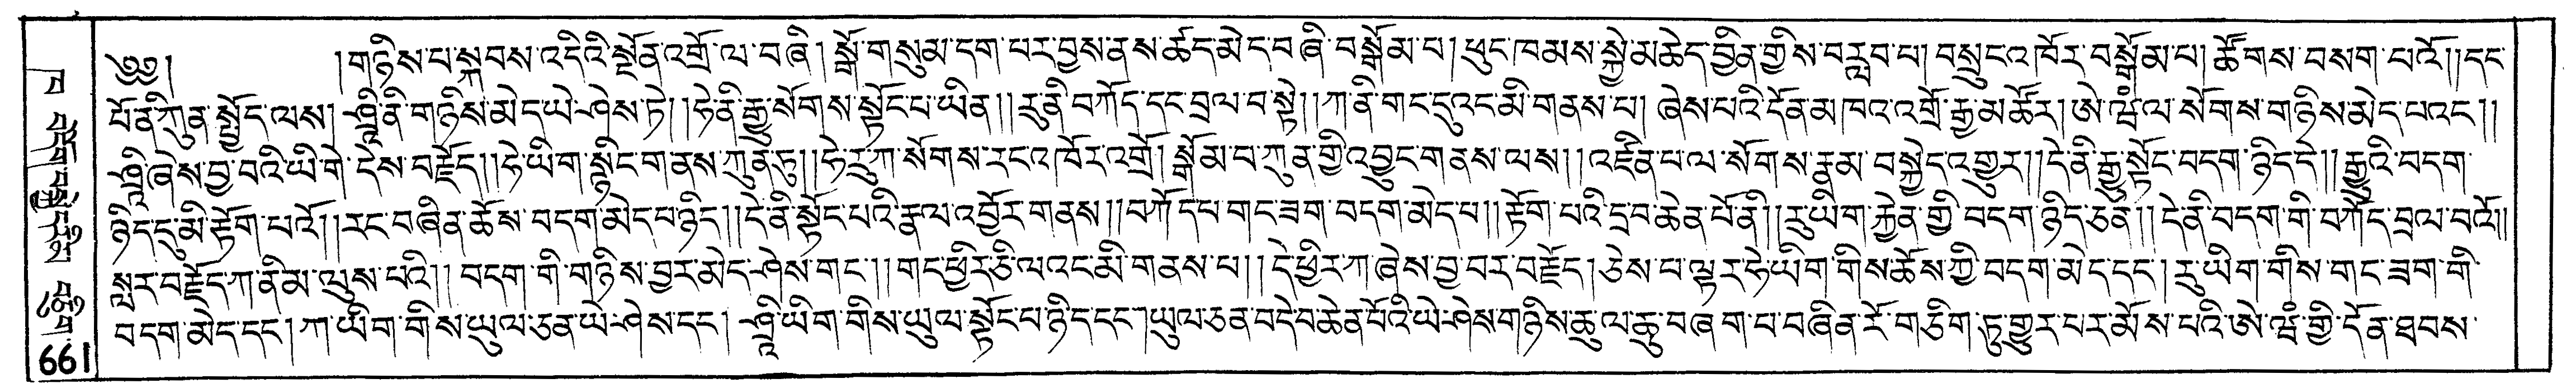༄༅། །གཉིས་པ་སྐབས་འདིའི་སྔོན་འགྲོ་ལ་བཞི། སྒོ་གསུམ་དག་པར་བྱས་ནས་ཚད་མེད་བཞི་བསྒོམ་པ། ཕུང་ཁམས་སྐྱེ་མཆེད་བྱིན་གྱིས་བརླབ་པ། བསྲུང་འཁོར་བསྒོམ་པ། ཚོགས་བསག་པའོ། །དང་
པོ་ནི་ཀུན་སྤྱོད་ལས། ཤྲཱི་ནི་གཉིས་མེད་ཡེ་ཤེས་ཏེ། །ཧེ་ནི་རྒྱུ་སོགས་སྟོང་པ་ཡིན། །རུ་ནི་བཀོད་དང་བྲལ་བ་སྟེ། །ཀ་ནི་གང་དུའང་མི་གནས་པ། ཞེས་པའི་དོན་མཁའ་འགྲོ་རྒྱ་མཚོར། ཨེ་ཝཾ་ལ་སོགས་གཉིས་མེད་པའང་། །
ཤྲཱི་ཞེས་བྱ་བའི་ཡི་གེ་དེས་བརྗོད། །ཧེ་ཡིག་སྙིང་ག་ནས་ཀུན་ཏུ། །ཧེ་རུ་ཀ་སོགས་རང་འཁོར་འགྲོ། སྒོམ་པ་ཀུན་གྱི་འབྱུང་གནས་ལས། །འཛིན་པ་ལ་སོགས་རྣམ་བསྐྱེད་འགྱུར། །དེ་ནི་རྒྱུ་སྟོང་བདག་ཉིད་དེ། །རྒྱུའི་བདག་
ཉིད་དུ་མི་རྟོག་པའོ། །རང་བཞིན་ཆོས་བདག་མེད་པ་ཉིད། །དེ་ནི་སྟོང་པའི་རྣལ་འབྱོར་གནས། །བཀོད་པ་གང་ཟག་བདག་མེད་པ། །རྟོག་པའི་དྲ་བ་ཆེན་པོ་ནི། །རུ་ཡིག་རྐྱེན་གྱི་བདག་ཉིད་ཅན། །དེ་ནི་བདག་གི་བཀོད་བྲལ་བའོ། །
སླར་བརྗོད་ཀ་ནི་མ་ལུས་པའི། །བདག་གི་གཉིས་བྱར་མེད་ཤེས་གང་། །གང་ཕྱིར་ཅི་ལའང་མི་གནས་པ། །དེ་ཕྱིར་ཀ་ཞེས་བྱ་བར་བརྗོད། ཅེས་པ་ལྟར་ཧེ་ཡིག་གིས་ཆོས་ཀྱི་བདག་མེད་དང་། རུ་ཡིག་གིས་གང་ཟག་གི་
བདག་མེད་དང་། ཀ་ཡིག་གིས་ཡུལ་ཅན་ཡེ་ཤེས་དང་། ཤྲཱི་ཡིག་གིས་ཡུལ་སྟོང་པ་ཉིད་དང་། ཡུལ་ཅན་བདེ་བ་ཆེན་པོའི་ཡེ་ཤེས་གཉིས་ཆུ་ལ་ཆུ་བཞག་པ་བཞིན་རོ་གཅིག་ཏུ་གྱུར་པར་མོས་པའི་ཨེ་ཝཾ་གྱི་དོན་ཐབས་